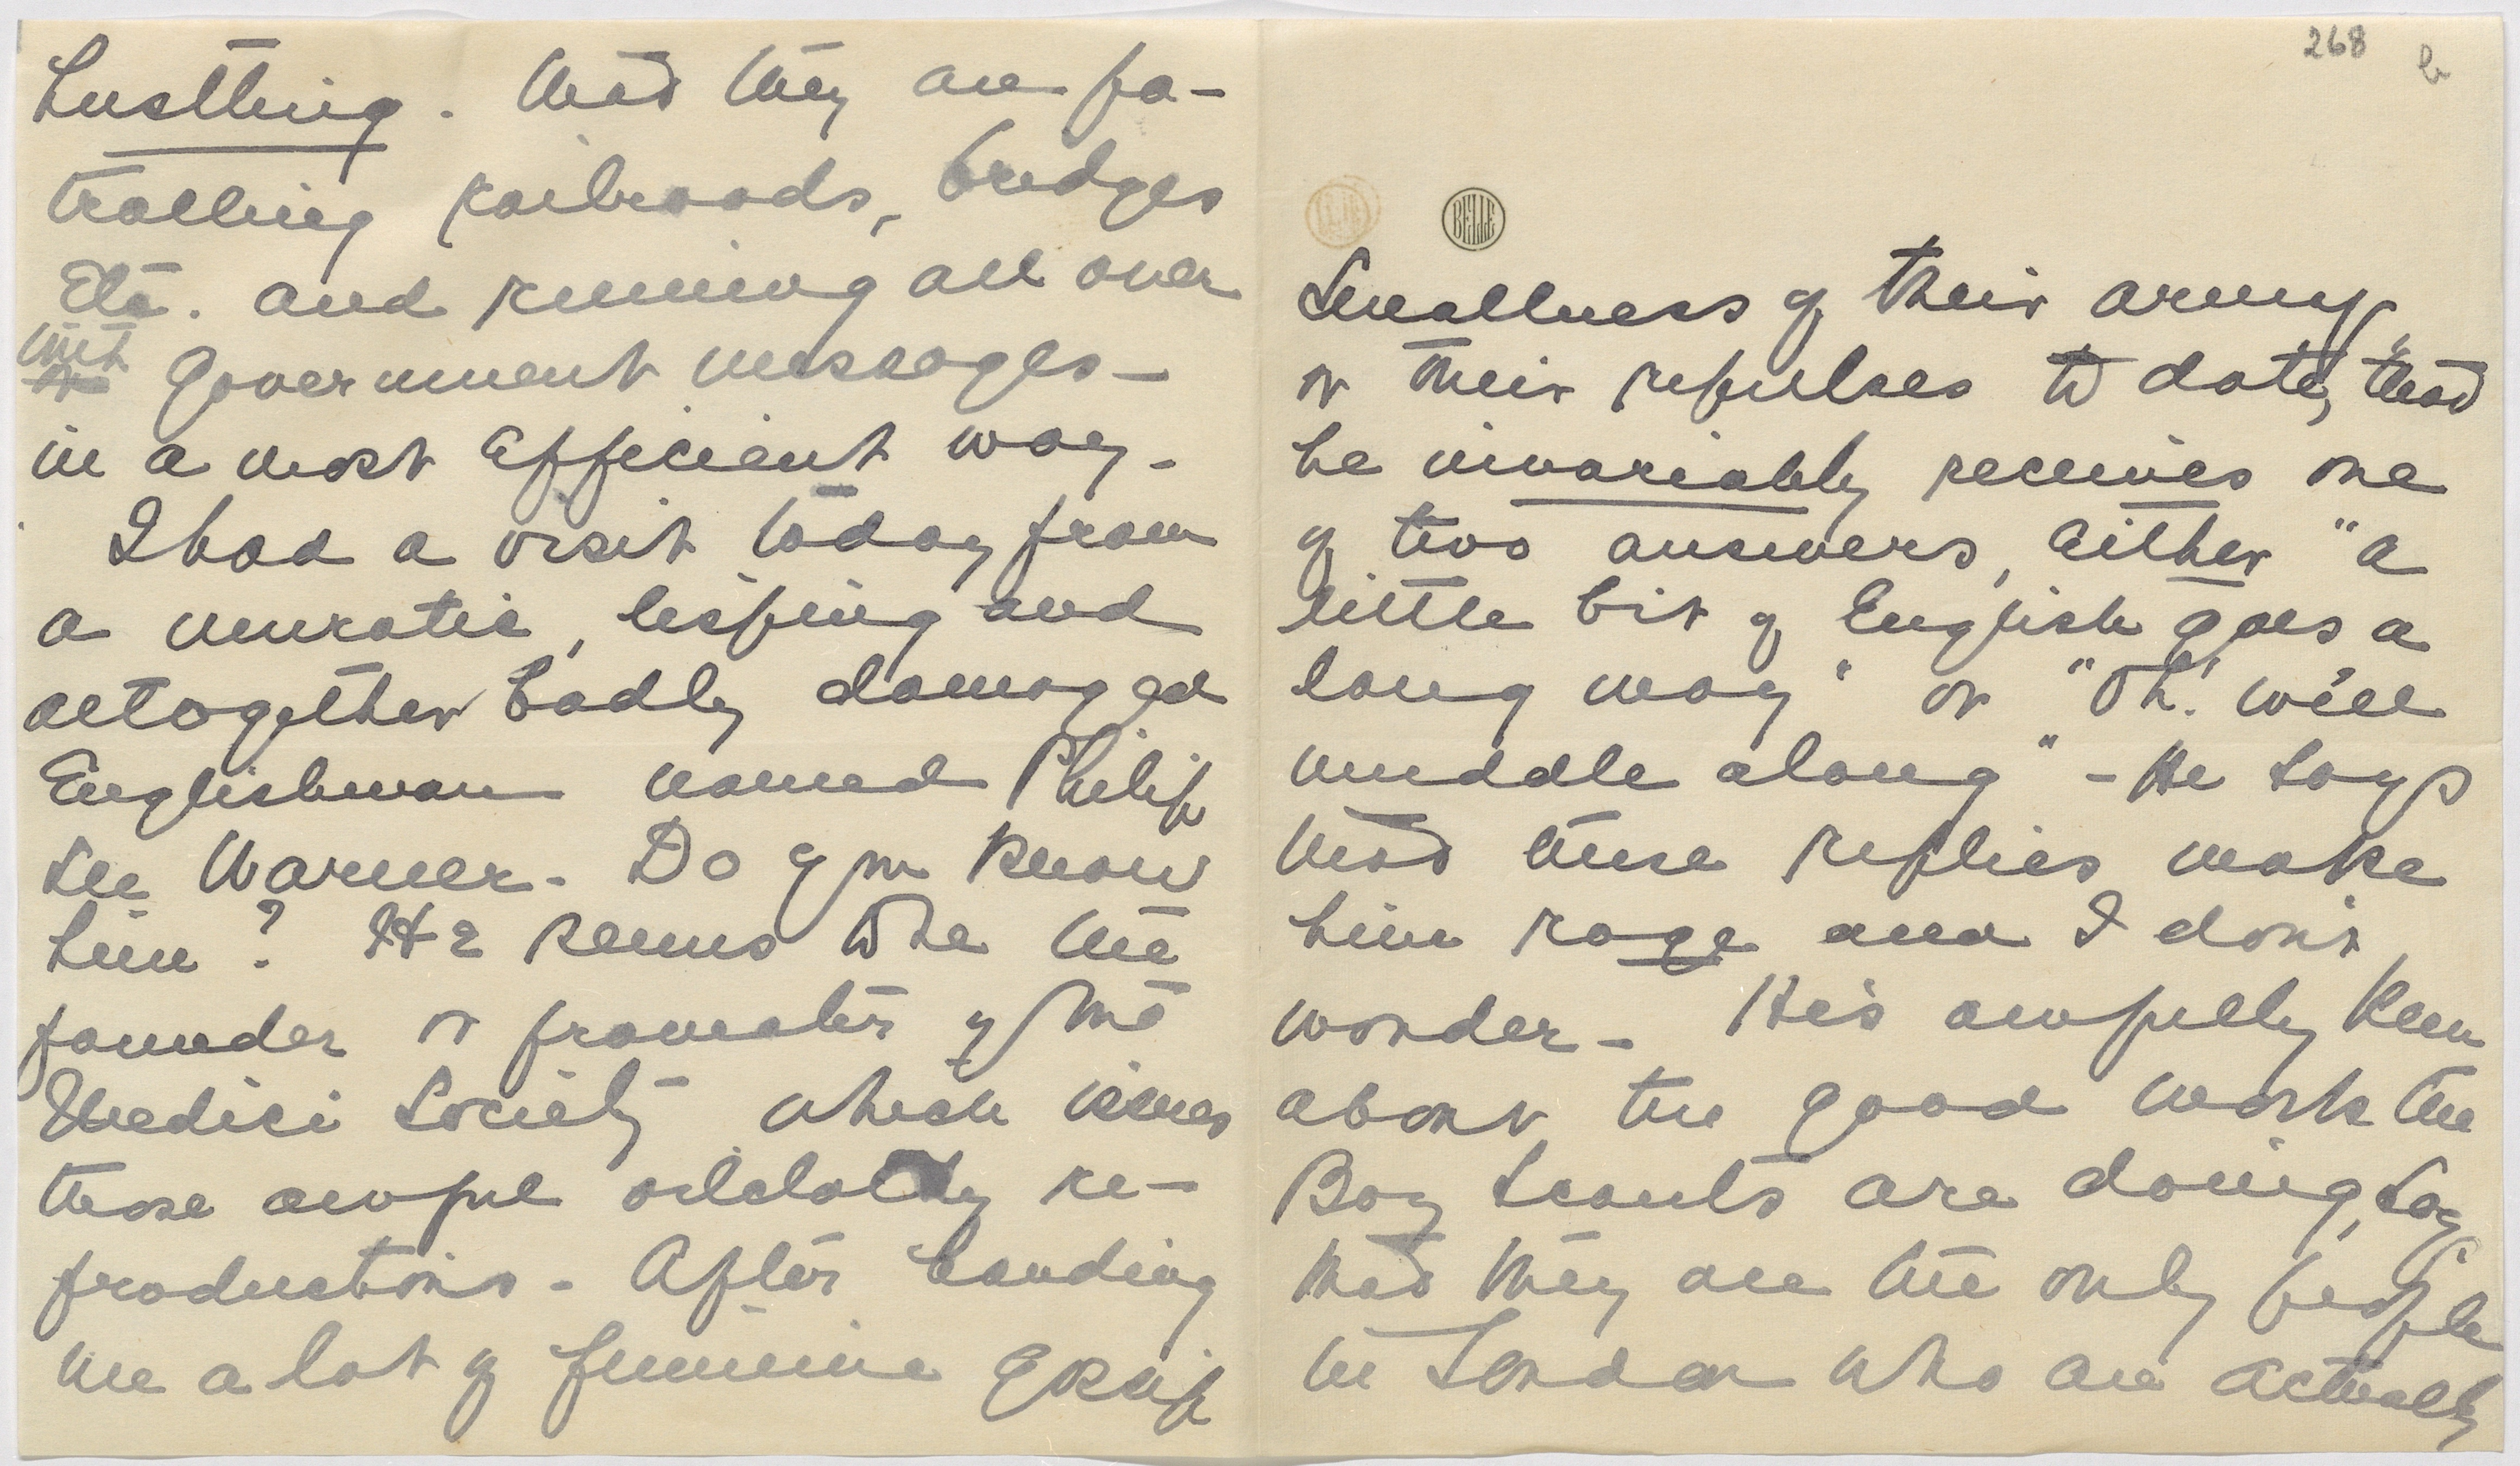smallness of their army or their repulses to date, that he invariably receives one of two answers, either “a little bit of English goes a long way” or “Oh! we’ll muddle along”– He says that these replies make him rage and I don’t wonder – He’s awfully keen about the good work the Boy Scouts are doing, says that they are the only people in London who are actually
hustling. that they are patrolling railroads, bridges, etc. and running all over on [^with^] government messages – in a most efficient way –
I had a visit today from a neurotic, lisping and altogether badly damaged Englishman named Philip Lee Warner – Do you know him? He seems to be the founder or provoster of the Medici Society which issues those awful oilclothy reproductions – After handing me a lot of feminine gossip